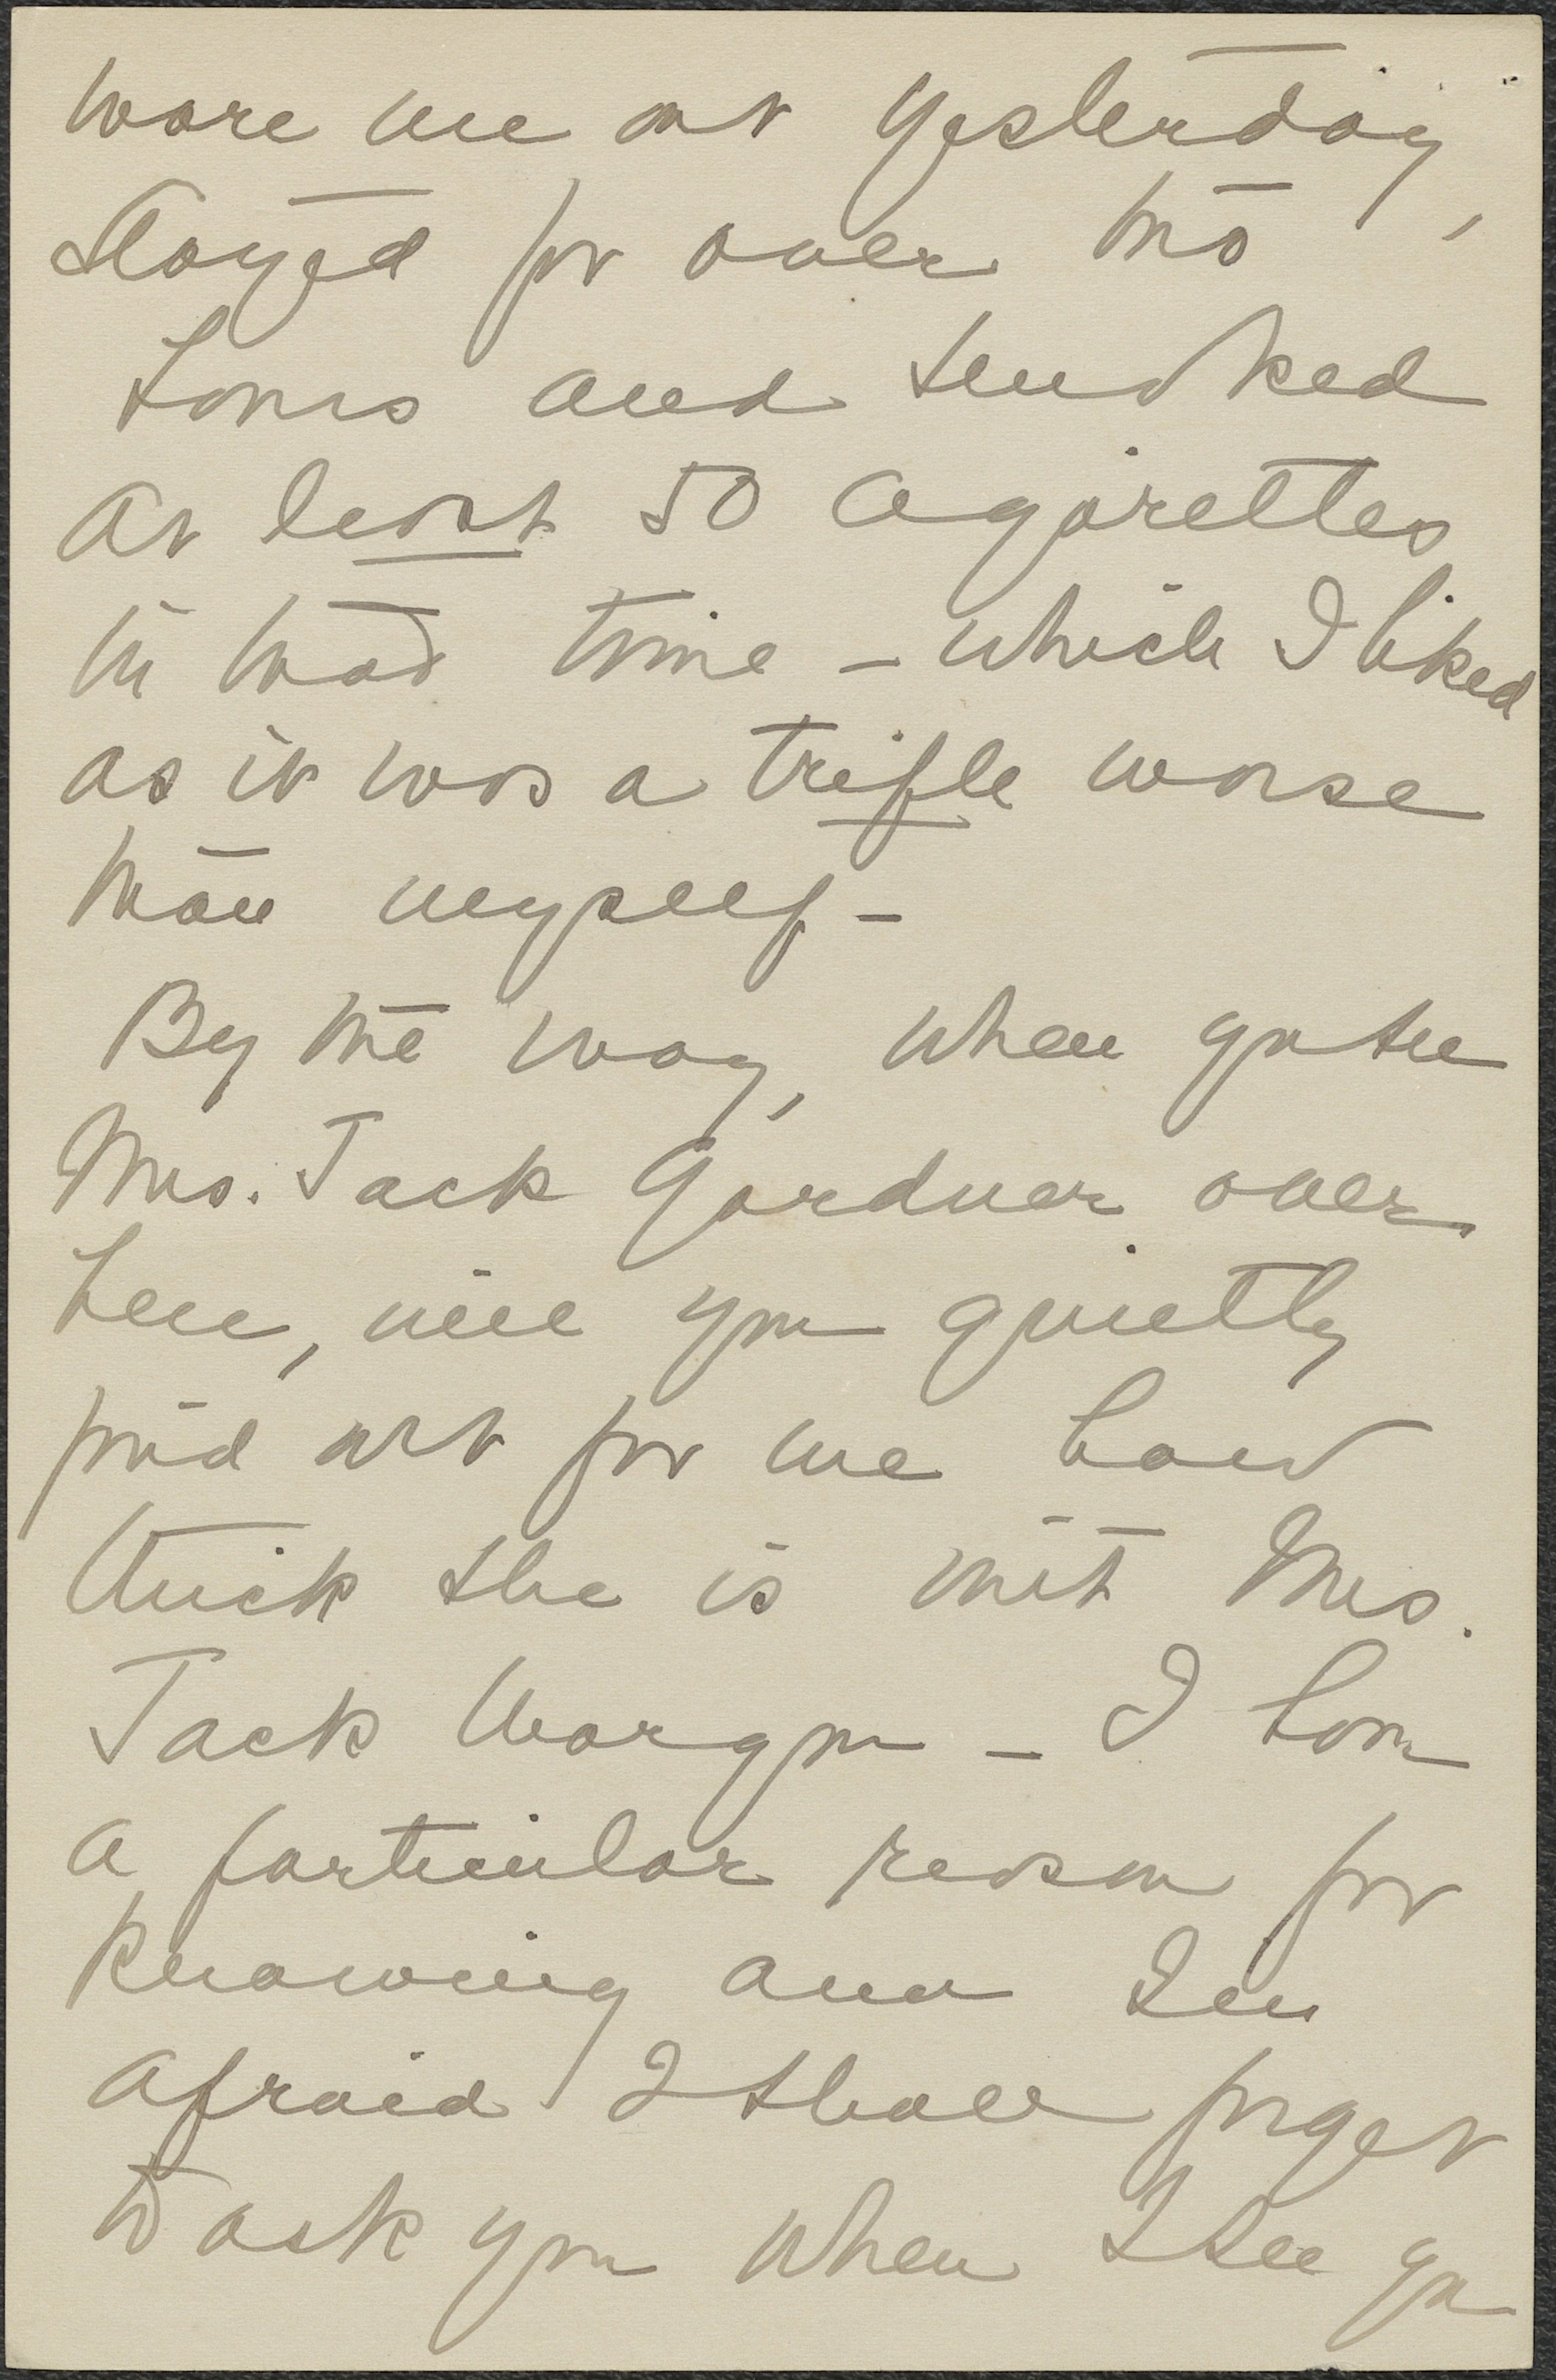wore me out yesterday, stayed for over two hours and smoked at least 50 cigarettes in that time – which I liked as it was a trifle worse than myself –
By the way, when you see Mrs. Jack Gardner over here, will you quietly find out for me how thick she is with Mrs. Jack Morgan – I have a particular reason for knowing and I’m afraid I shall forget to ask you when I see you